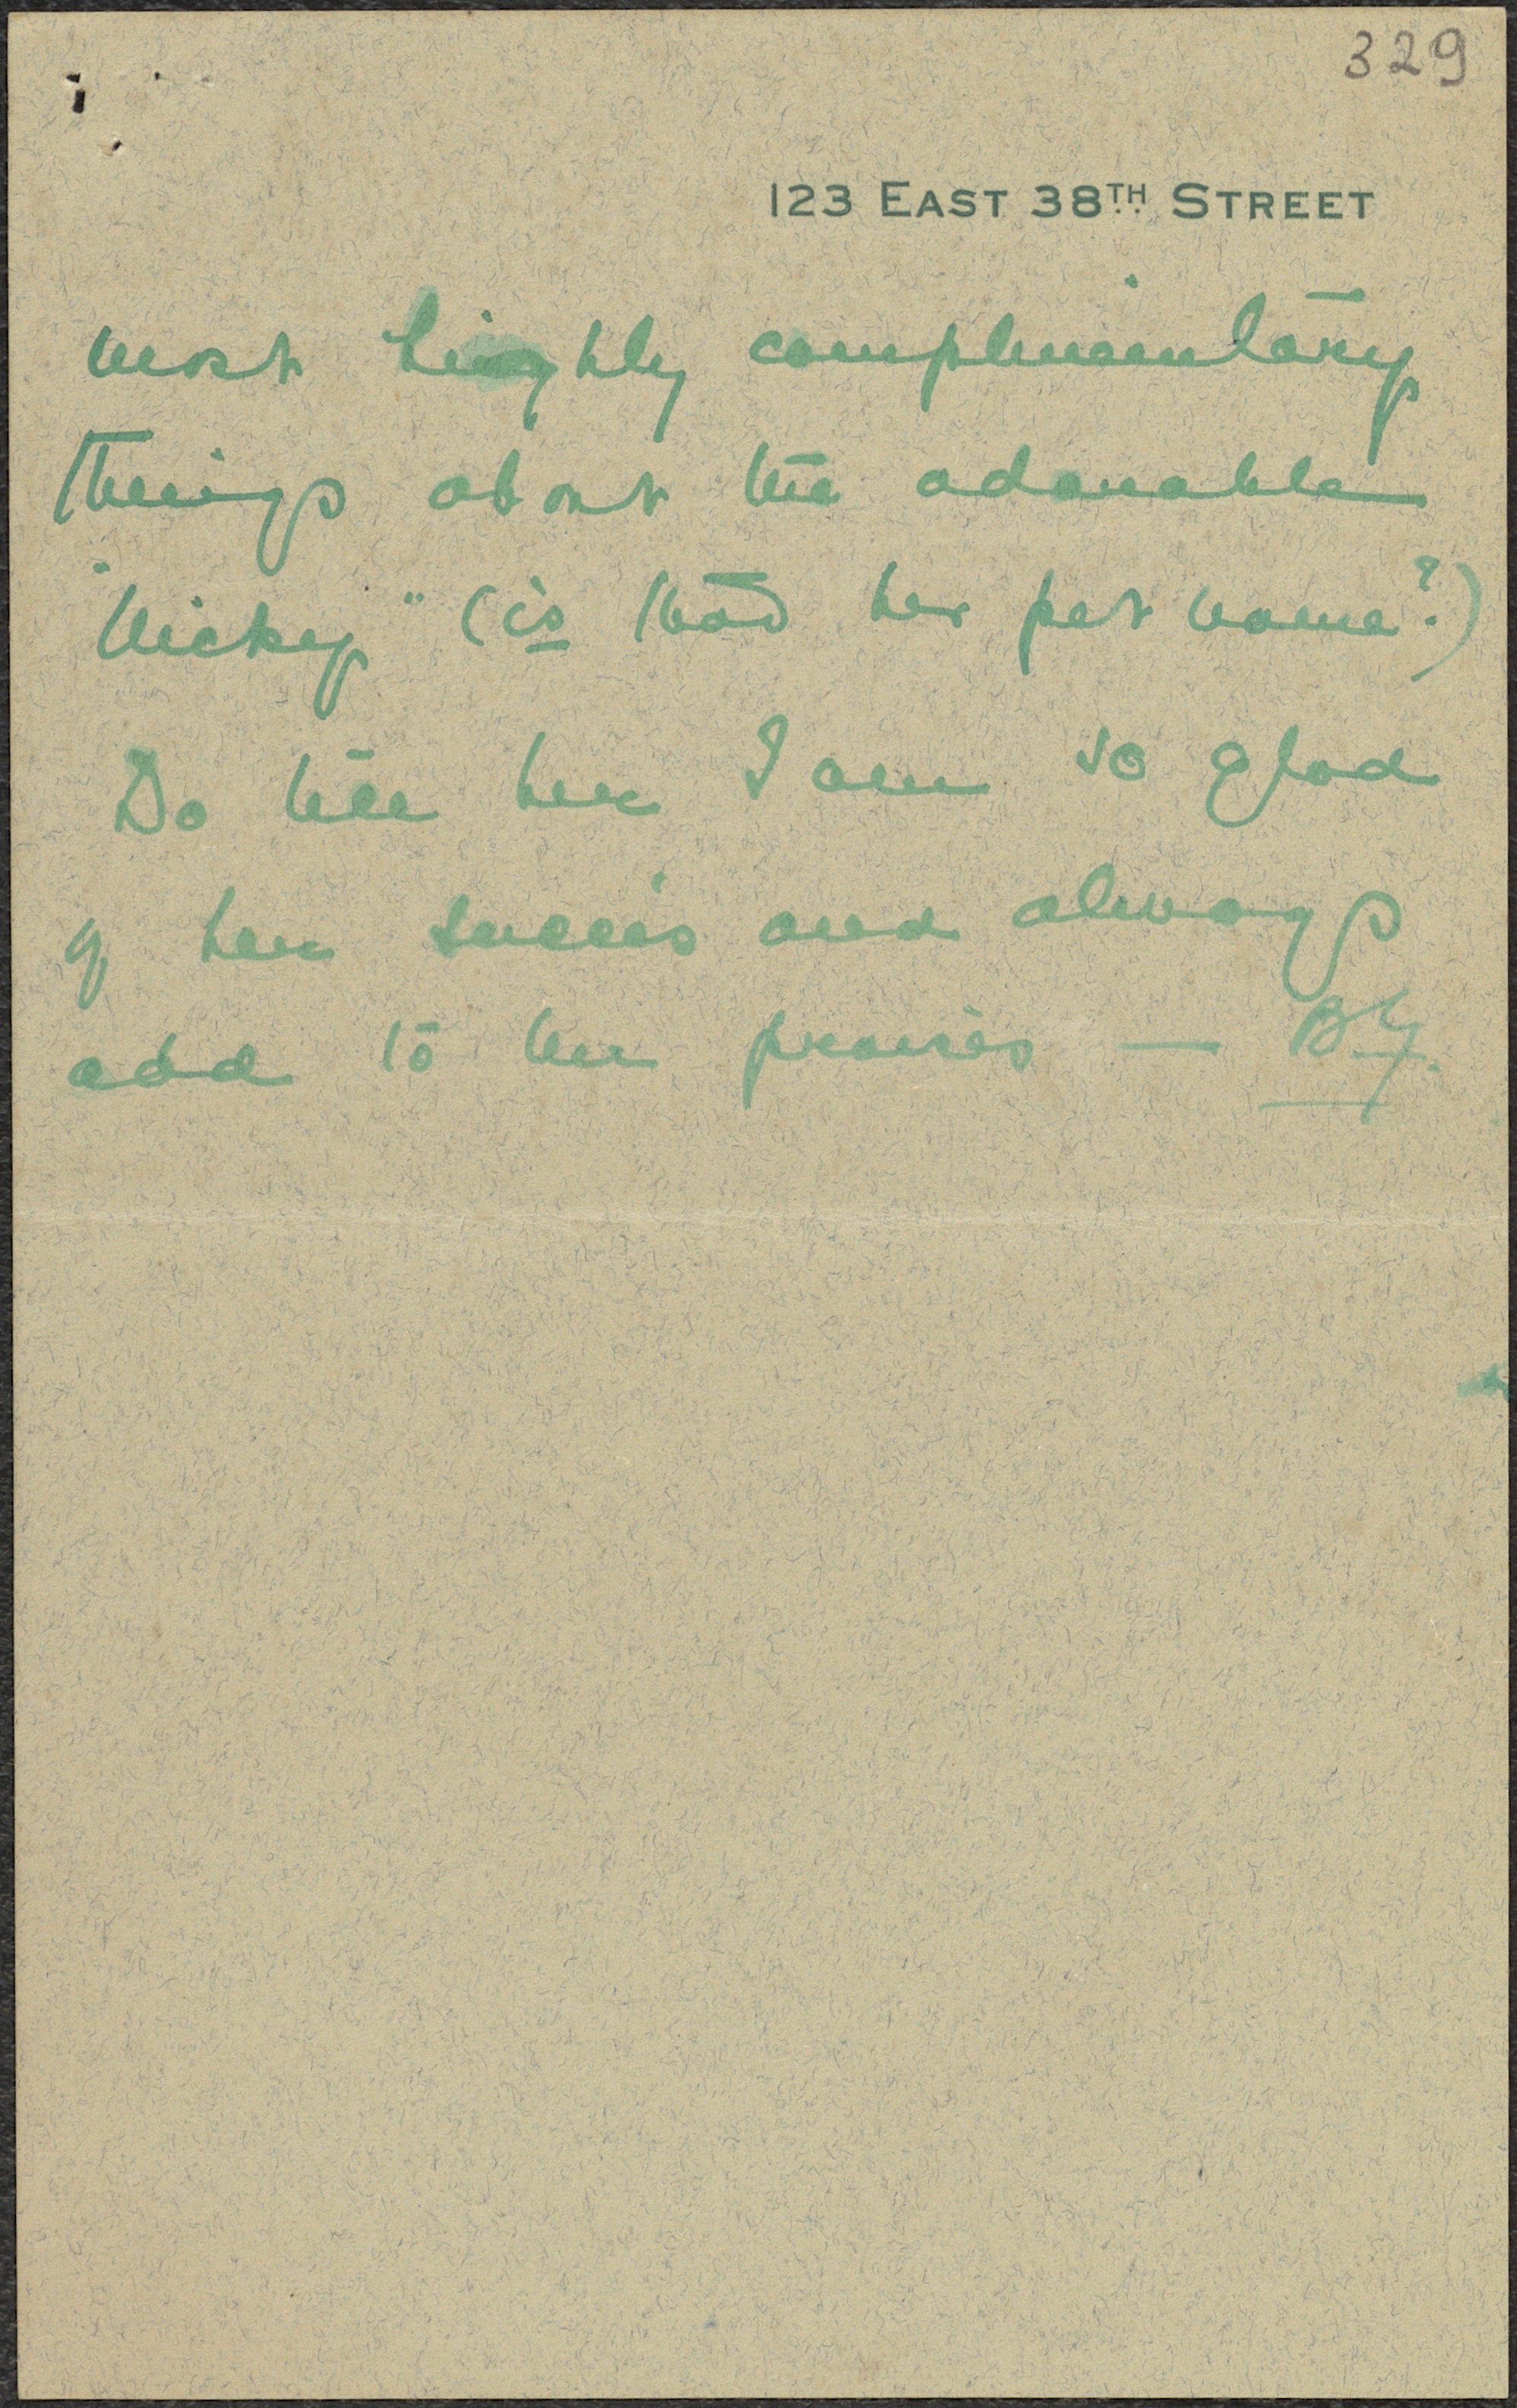most highly complimentary things about the adorable “Nicky”: (is that her pet name?)
Do tell her I am so glad of her success and always add to her praises – BG.